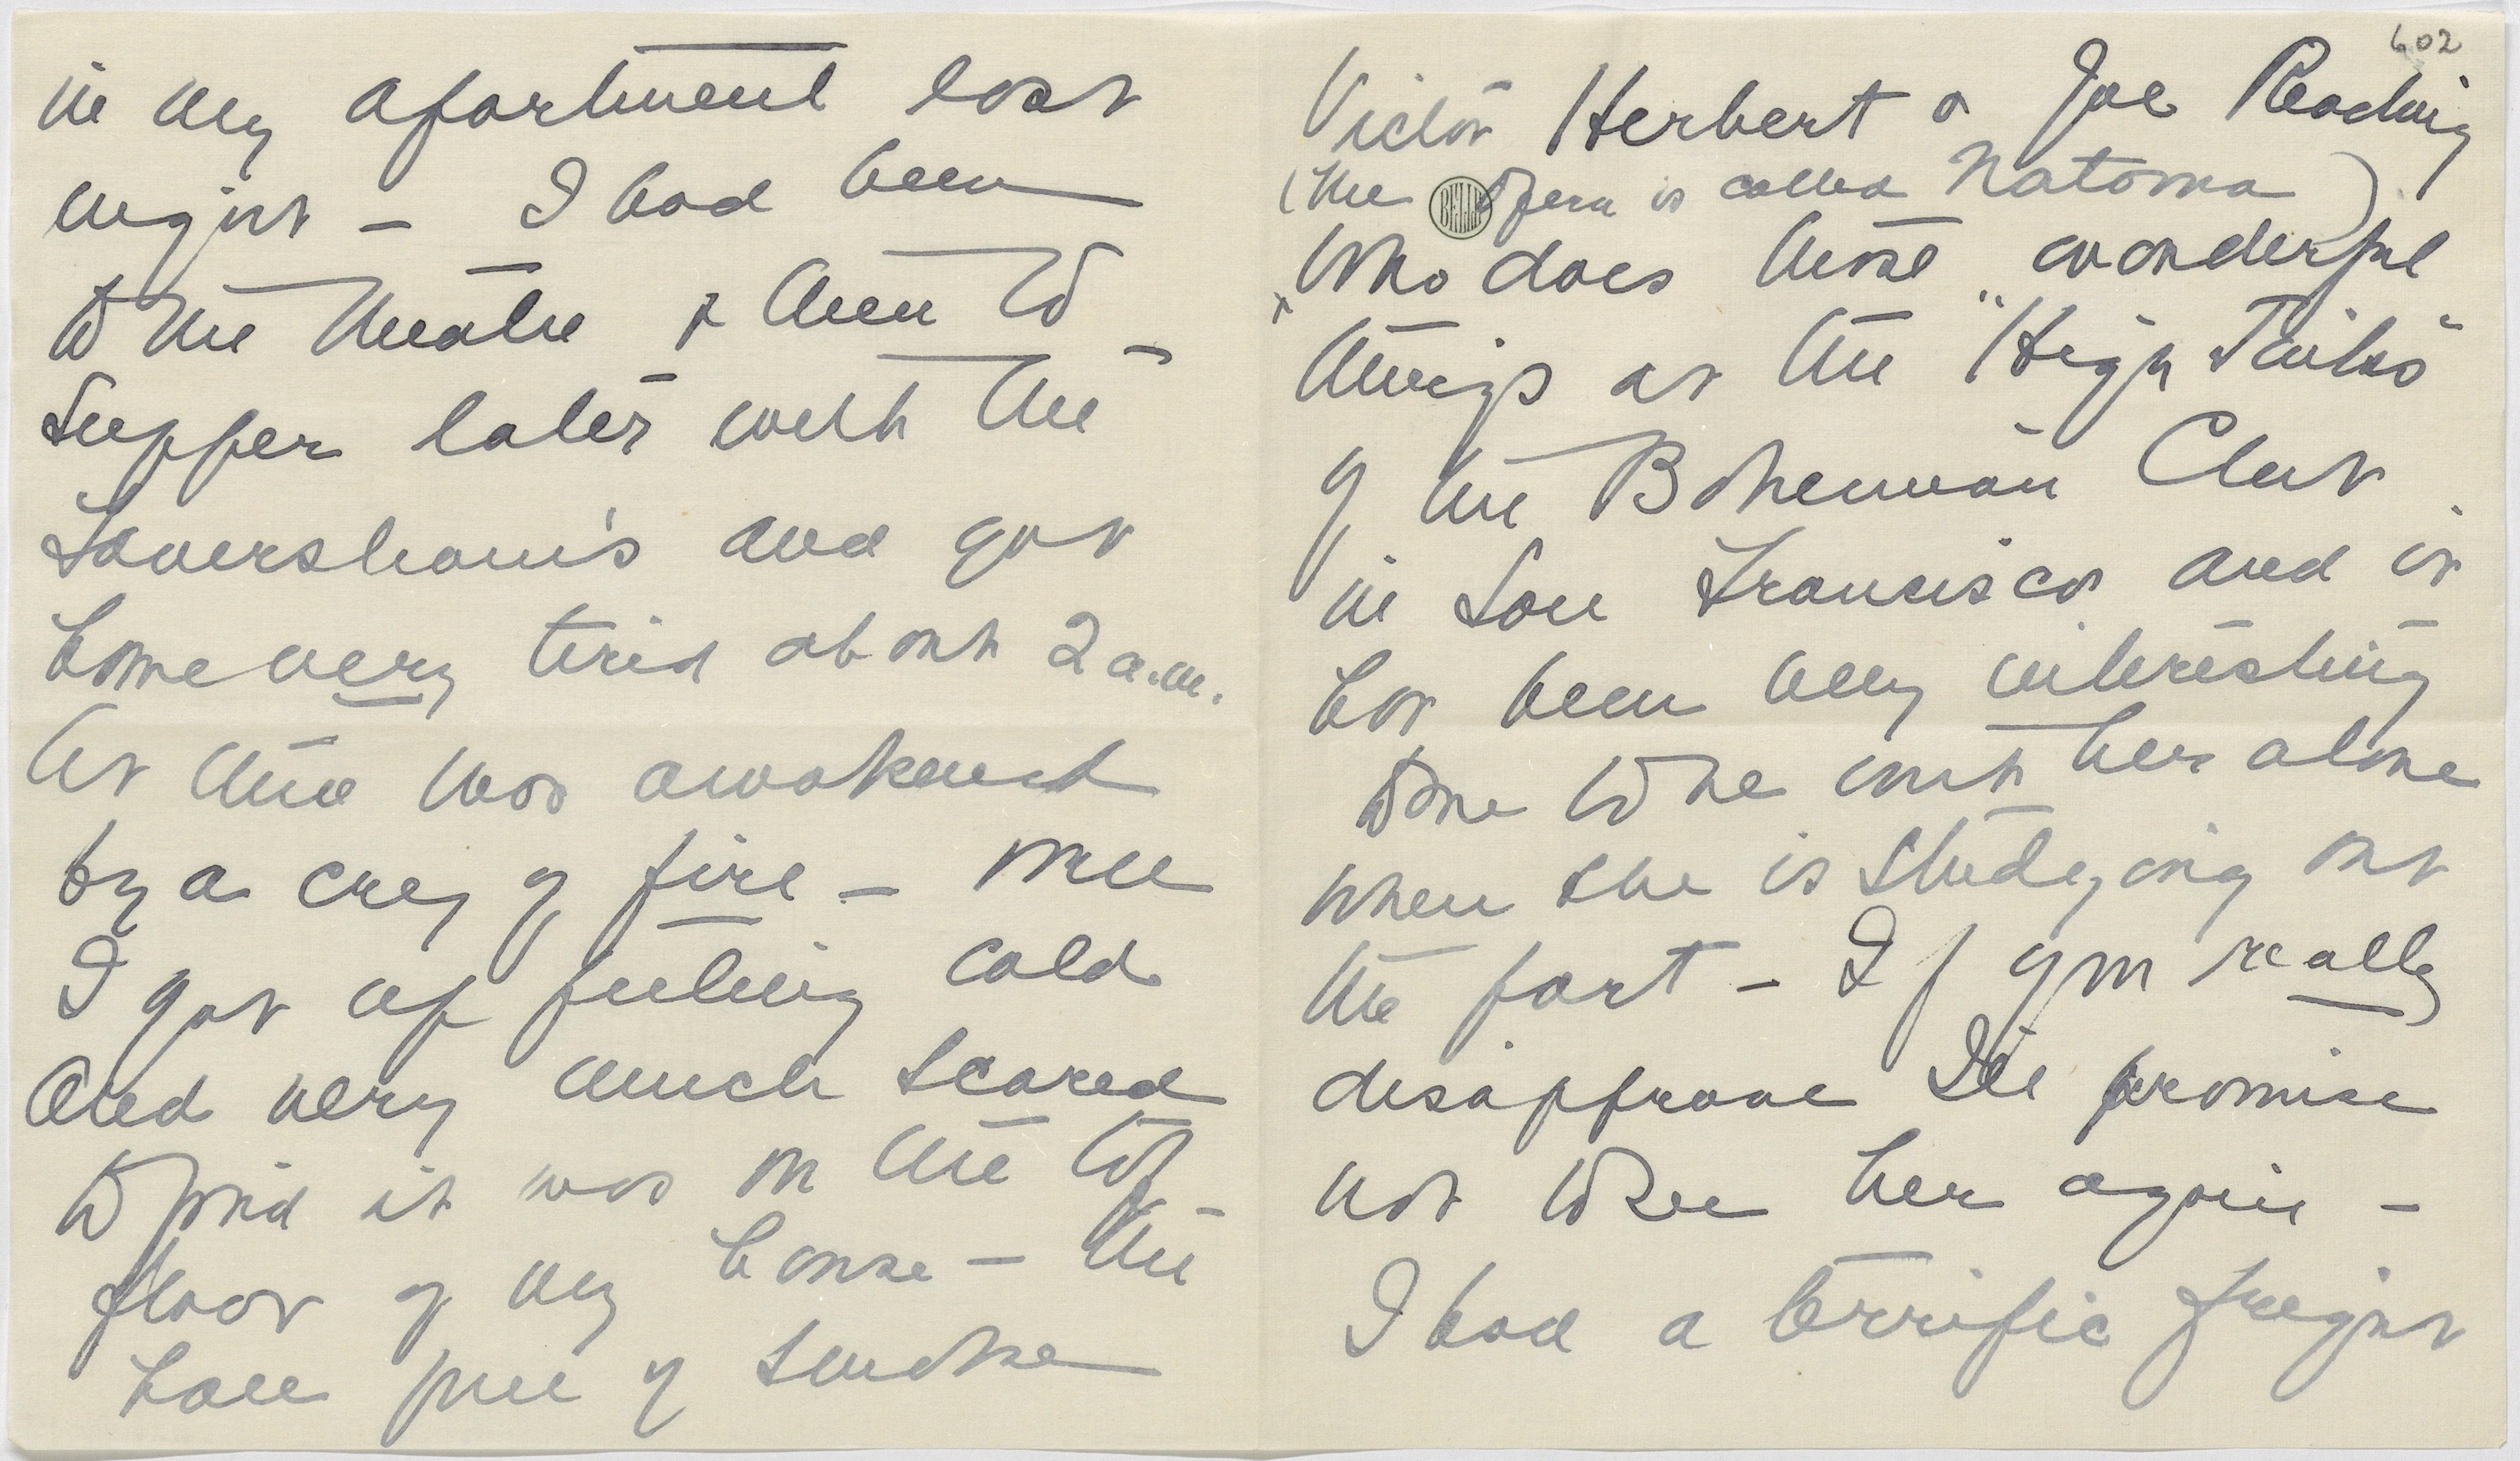Victor Herbert & Joe Reading [sic] [^(The opera is called Natoma)^] Who does those wonderful things at the “High Tails [?]” of the Bohemian Club in San Francisco and it has been very interesting to me to be with her alone when she is studying out the part – If you really disapprove I’ll promise not to see her again –
I had a terrific fright
in my apartment last night – I had been to the Theatre & then to supper later with the Faversham’s and got home very tired about 2 a.m. but then was awakened by a cry of fire – well I got up feeling cold and very much scared to find it was on the top floor of my house – the hall full of smoke